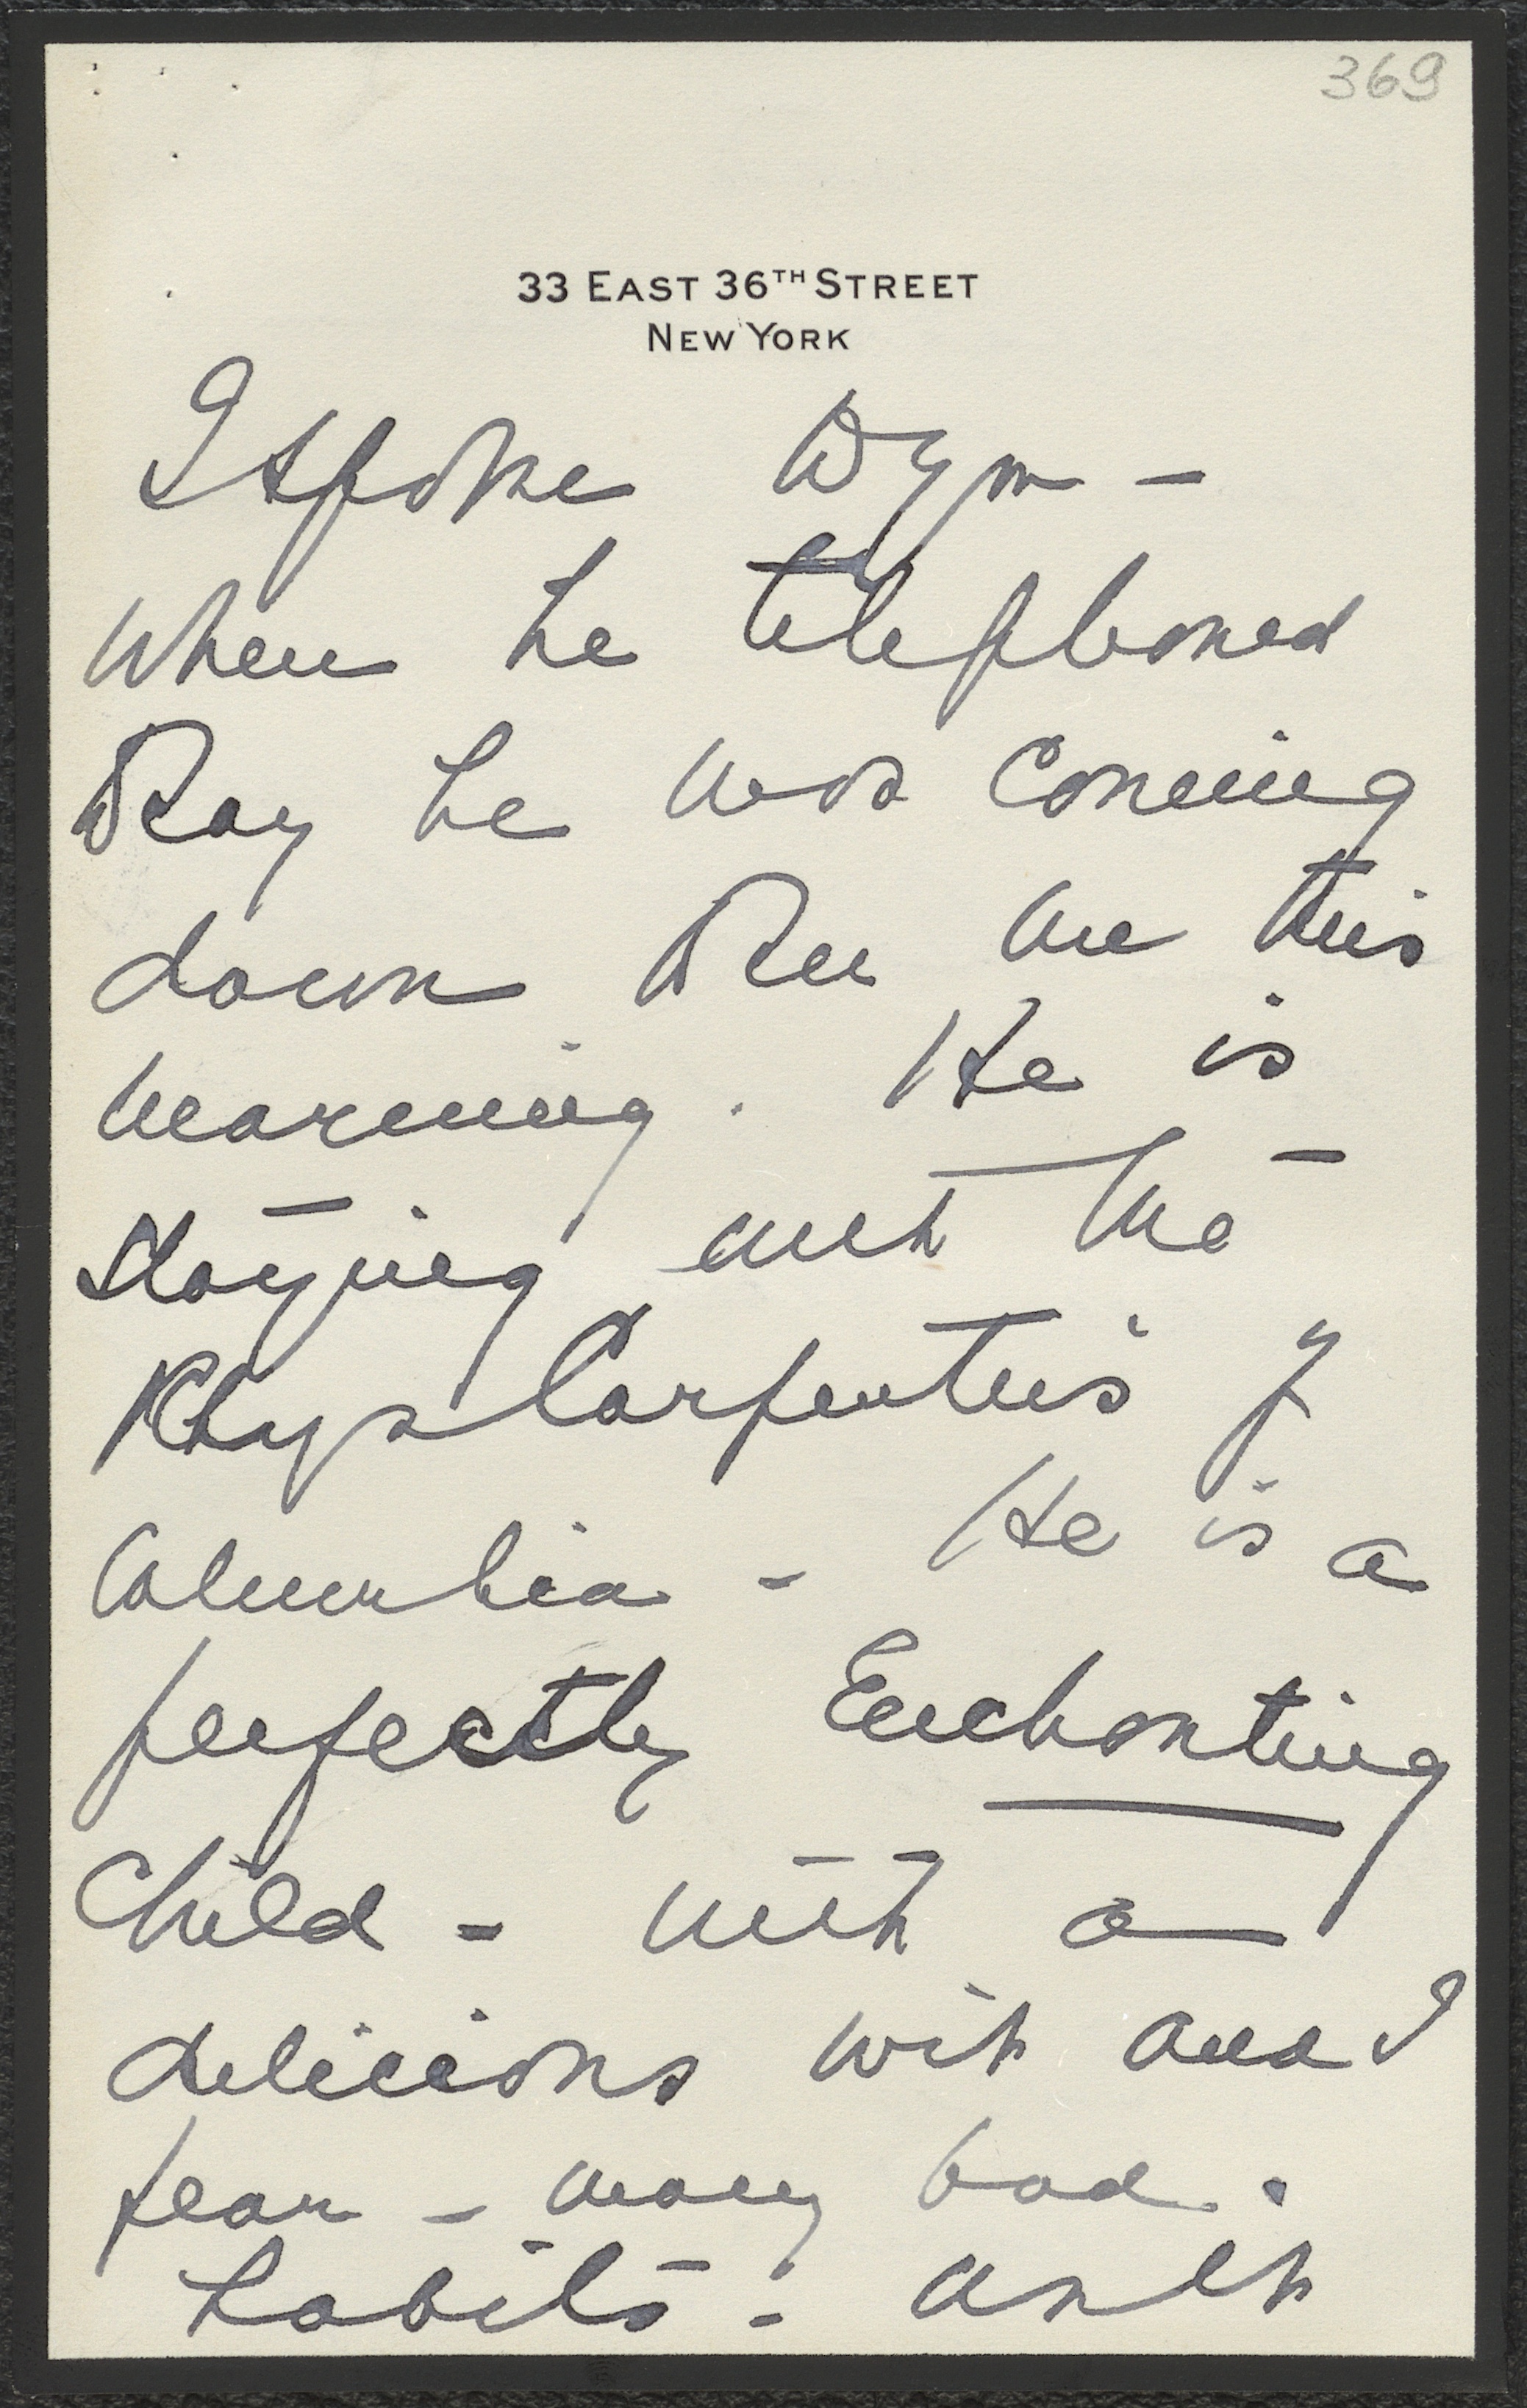I spoke to you –
When he telephoned to say he was coming down to see me this morning. He is staying with the Rhys Carpenter’s of Columbia – He is a perfectly enchanting child – with a delicious wit and I fear – many bad habits! anit [sic]